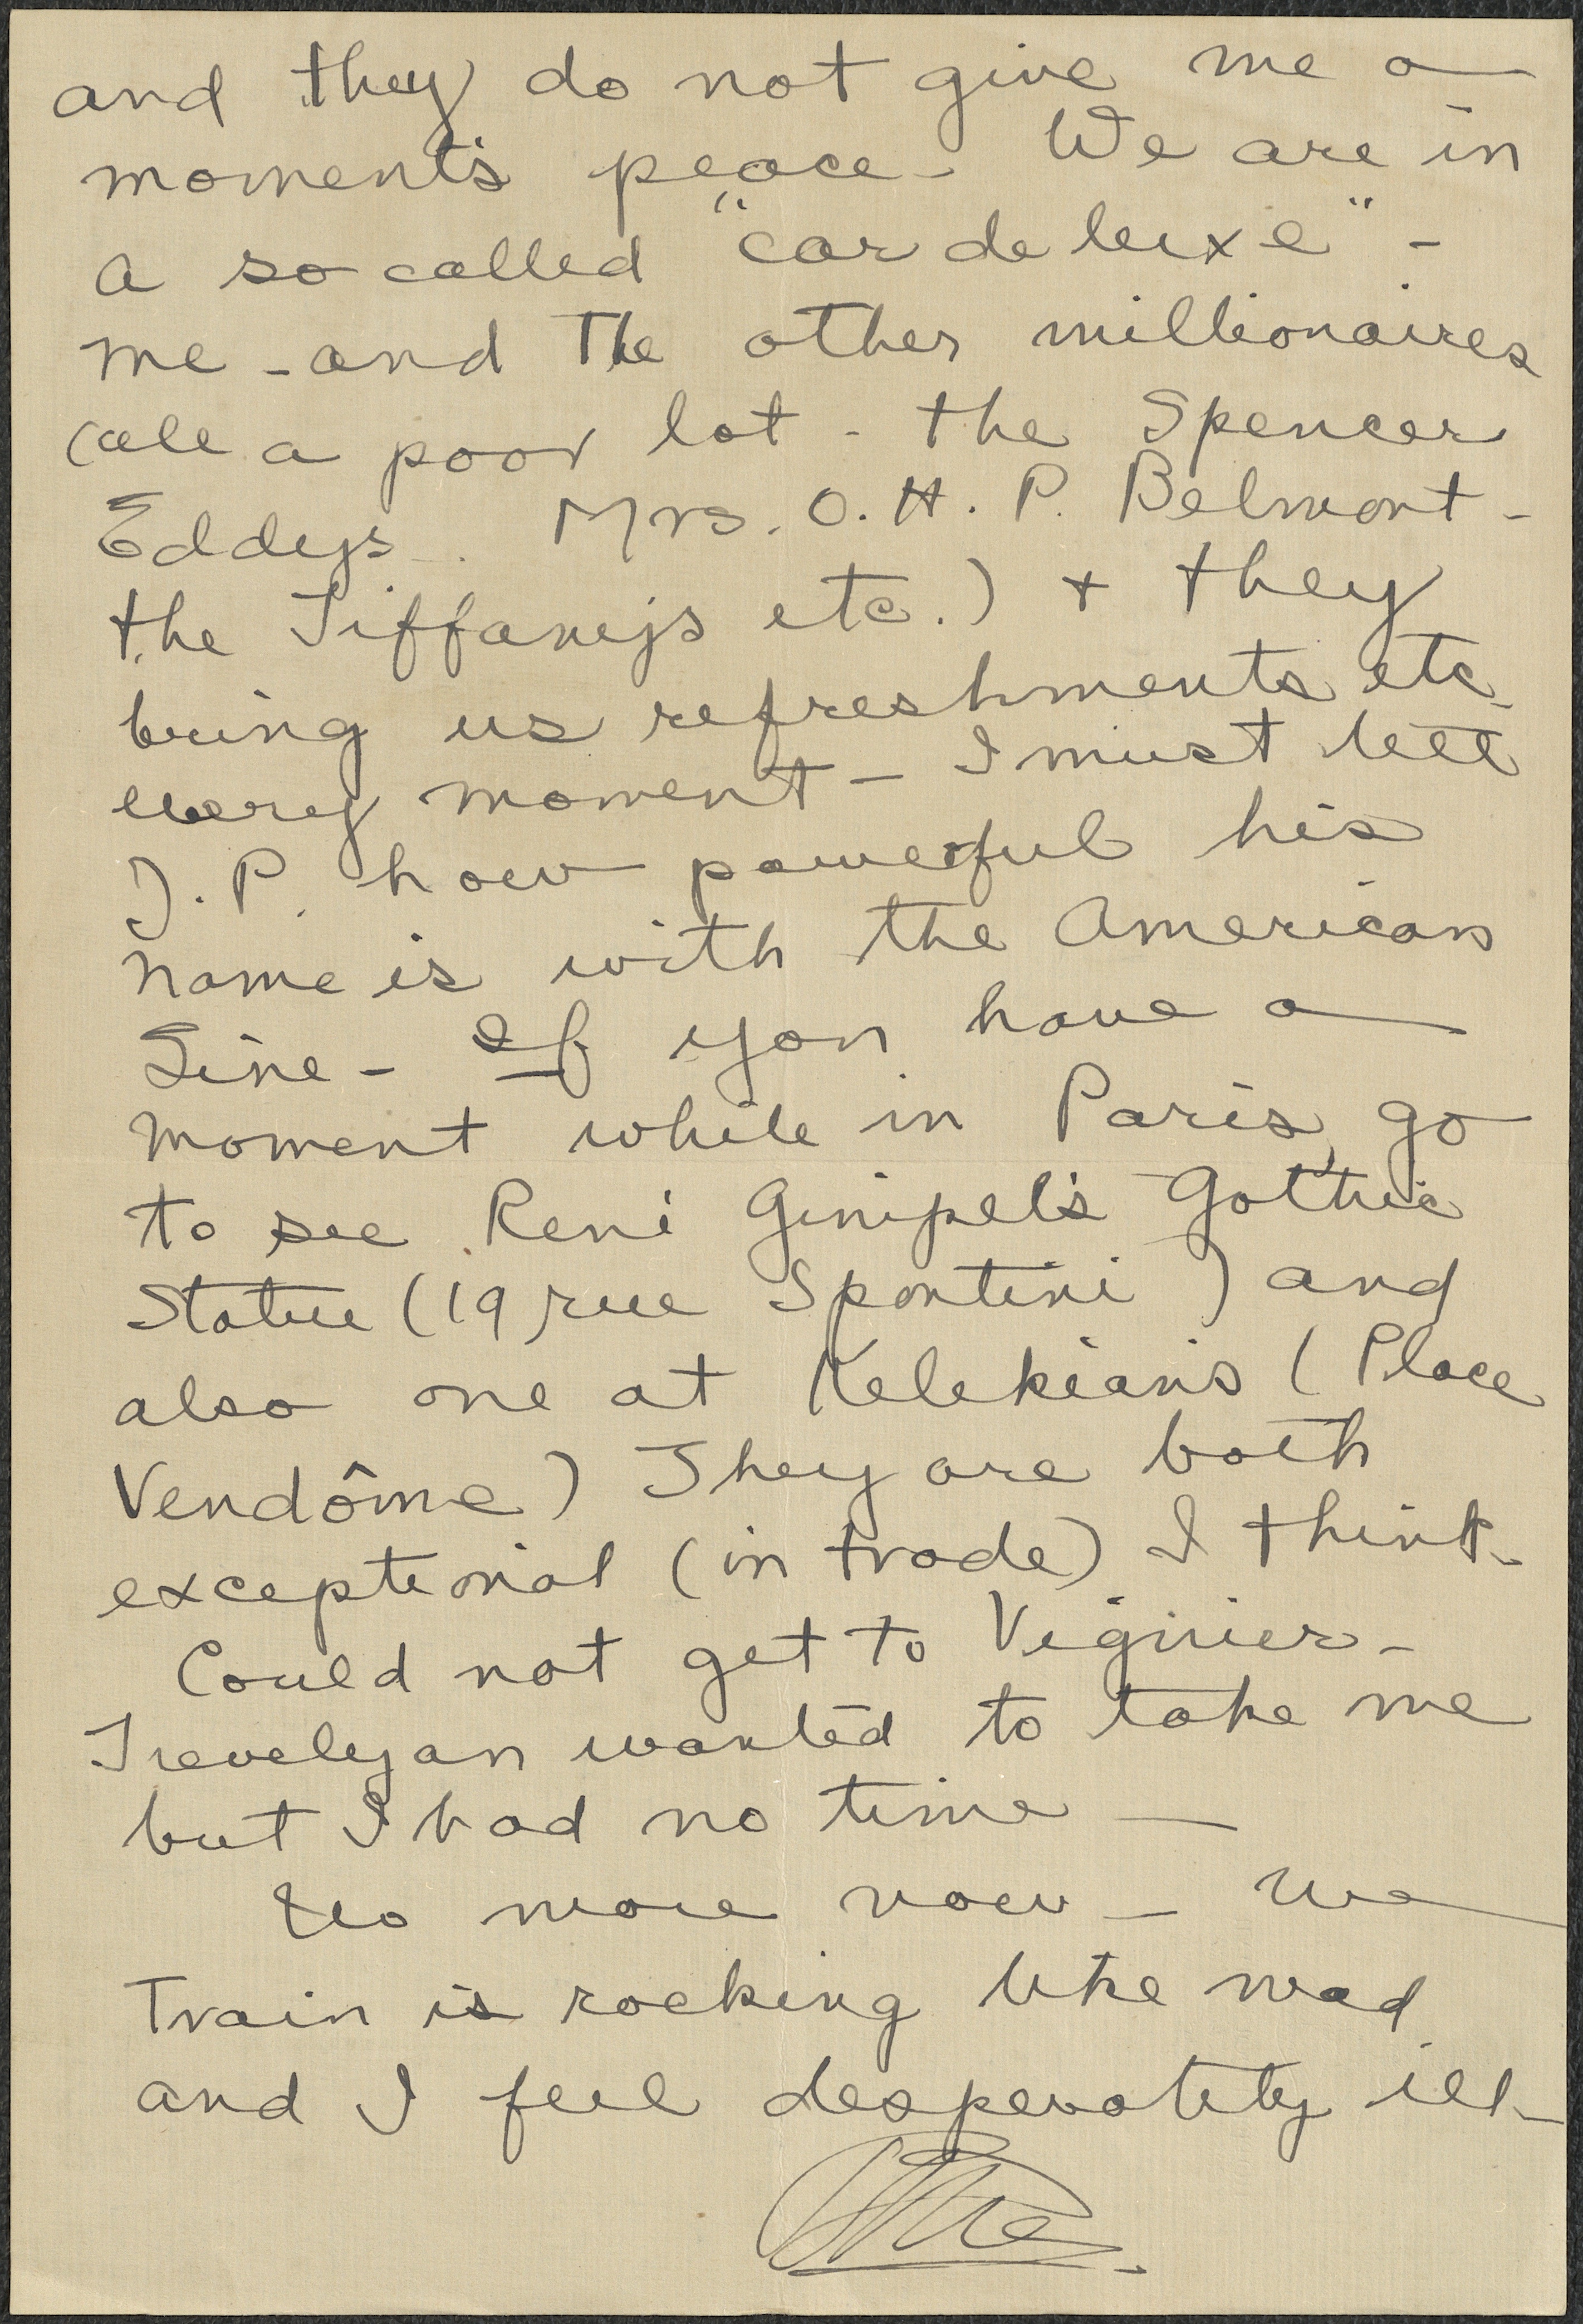and they do not give me a moment’s peace. We are in a so called “car de luxe” – me – and the other millionaires (all a poor lot – the Spencer Eddys, Mrs. O.H.P Belmont – the Tiffanys etc.) & they bring us refreshments etc. every moment – I must tell J.P. how powerful his name is with the American Line – If you have a moment while in Paris, go to see René Gimpel's Gothic Statue (19 rue Spontini) and also one at Kelekian's (Place Vendôme) They are both exceptional (in trade) I think –
Could not get to Viginier – Trevelyan wanted to take me but I had no time –
No more now – the train is rocking like mad and I feel desperately ill –
Belle